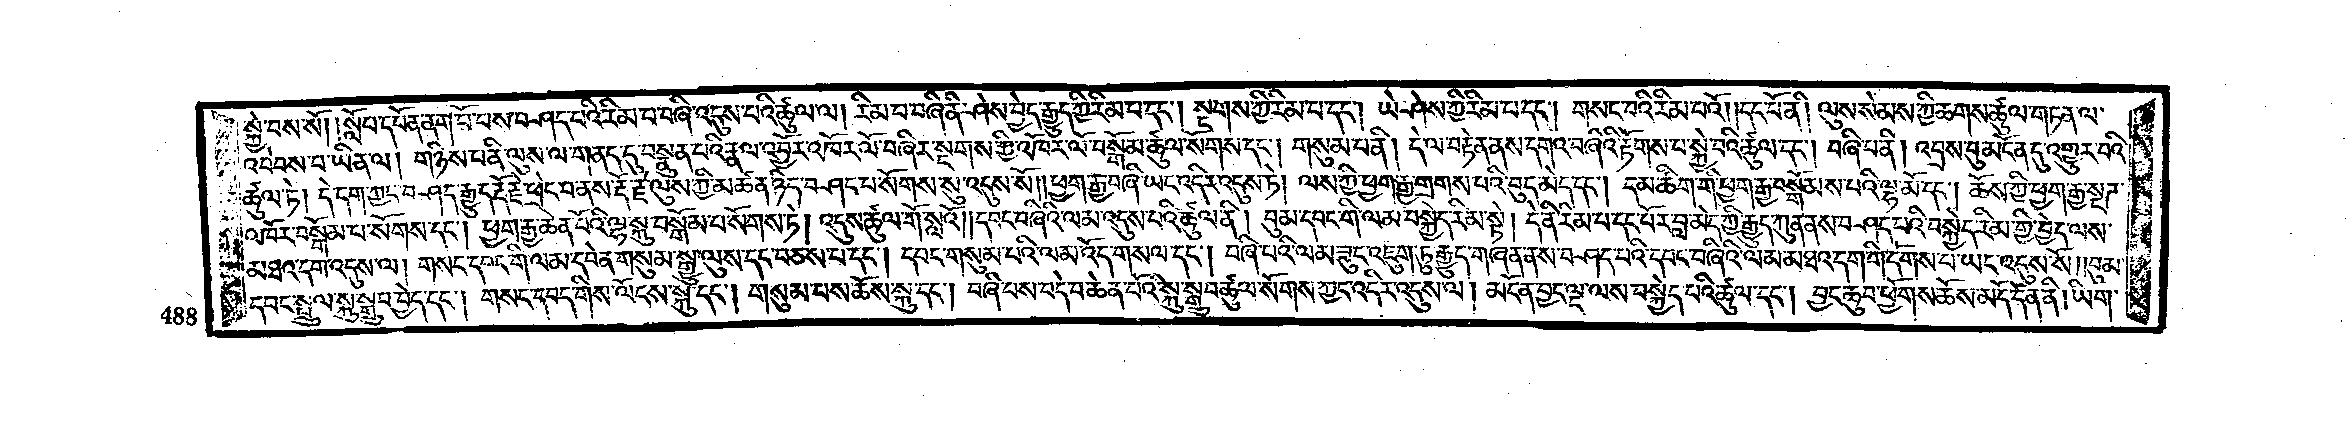སྐྱེ་བས་སོ། །སློབ་དཔོན་ནག་པོ་པས་བཤད་པའི་རིམ་པ་བཞི་འདུས་པའི་ཚུལ་ལ། རིམ་པ་བཞི་ནི་ཤེས་བྱེད་རྒྱུད་ཀྱི་རིམ་པ་དང་། སྔགས་ཀྱི་རིམ་པ་དང་། ཡེ་ཤེས་ཀྱི་རིམ་པ་དང་། གསང་བའི་རིམ་པའོ། །དང་པོ་ནི། ལུས་སེམས་ཀྱི་ཆགས་ཚུལ་གཏན་ལ་
འབེབས་པ་ཡིན་ལ། གཉིས་པ་ནི་ལུས་ལ་གནད་དུ་བསྣུན་པའི་རྣལ་འབྱོར་འཁོར་ལོ་བཞིར་སྔགས་ཀྱི་འཁོར་ལོ་བསྒོམ་ཚུལ་སོགས་དང་། གསུམ་པ་ནི། དེ་ལ་བརྟེན་ནས་དགའ་བཞིའི་རྟོགས་པ་སྐྱེ་བའི་ཚུལ་དང་། བཞི་པ་ནི། འབྲས་བུ་མངོན་དུ་འགྱུར་བའི་
ཚུལ་ཏེ། དེ་དག་ཀྱང་བཤད་རྒྱུད་རྡོ་རྗེ་ཕྲེང་བ་ནས་རྡོ་རྗེ་ལུས་ཀྱི་མཚན་ཉིད་བཤད་པ་སོགས་སུ་འདུས་སོ། །ཕྱག་རྒྱ་བཞི་ཡང་འདིར་འདུས་ཏེ། ལས་ཀྱི་ཕྱག་རྒྱ་གྲགས་པའི་བུད་མེད་དང་། དམ་ཚིག་གི་ཕྱག་རྒྱ་བསྒོམས་པའི་ལྷ་མོ་དང་། ཆོས་ཀྱི་ཕྱག་རྒྱ་སྔགས་
འཁོར་བསྒོམ་པ་སོགས་དང་། ཕྱག་རྒྱ་ཆེན་པོའི་ལྷ་སྐུ་བསྒོམ་བ་སོགས་ཏེ། འདུས་ཚུལ་གོ་སླའོ། །དབང་བཞིའི་ལམ་འདུས་པའི་ཚུལ་ནི། བུམ་དབང་གི་ལམ་བསྐྱེད་རིམ་སྟེ། དེ་ནི་རིམ་པ་དང་པོར་བླ་མེད་ཀྱི་རྒྱུད་ཀུན་ནས་བཤད་པའི་བསྐྱེད་རིམ་གྱི་བྱེད་ལས་
མཐའ་དག་འདུས་ལ། གསང་དབང་གི་ལམ་དབེན་གསུམ་སྒྱུ་ལུས་དང་བཅས་པ་དང་། དབང་སུམ་པའི་ལམ་འོད་གསལ་དང་། བཞི་པའི་ལམ་ཟུང་འཇུག་ཏུ་རྒྱུད་གཞན་ནས་བཤད་པའི་དབང་ཞིའི་ལམ་མཐའ་དག་གི་དོགས་པ་ཡང་འདུས་སོ། །བུམ་
དབང་སྤྲུལ་སྐུ་སྒྲུབ་བྱེད་དང་། གསང་དབང་གིས་ལོངས་སྐུ་དང་། གསུམ་པས་ཆོས་སྐུ་དང་། བཞི་པས་བདེ་བ་ཆེན་པོའི་སྐུ་སྒྲུབ་ཚུལ་སོགས་ཀྱང་འདིར་འདུས་ལ། མངོན་བྱང་ལྔ་ལས་བསྐྱེད་པའི་ཚུལ་དང་། བྱང་ཆུབ་ཕྱོགས་ཆོས་མདོ་དོན་ནི། ཡིག་